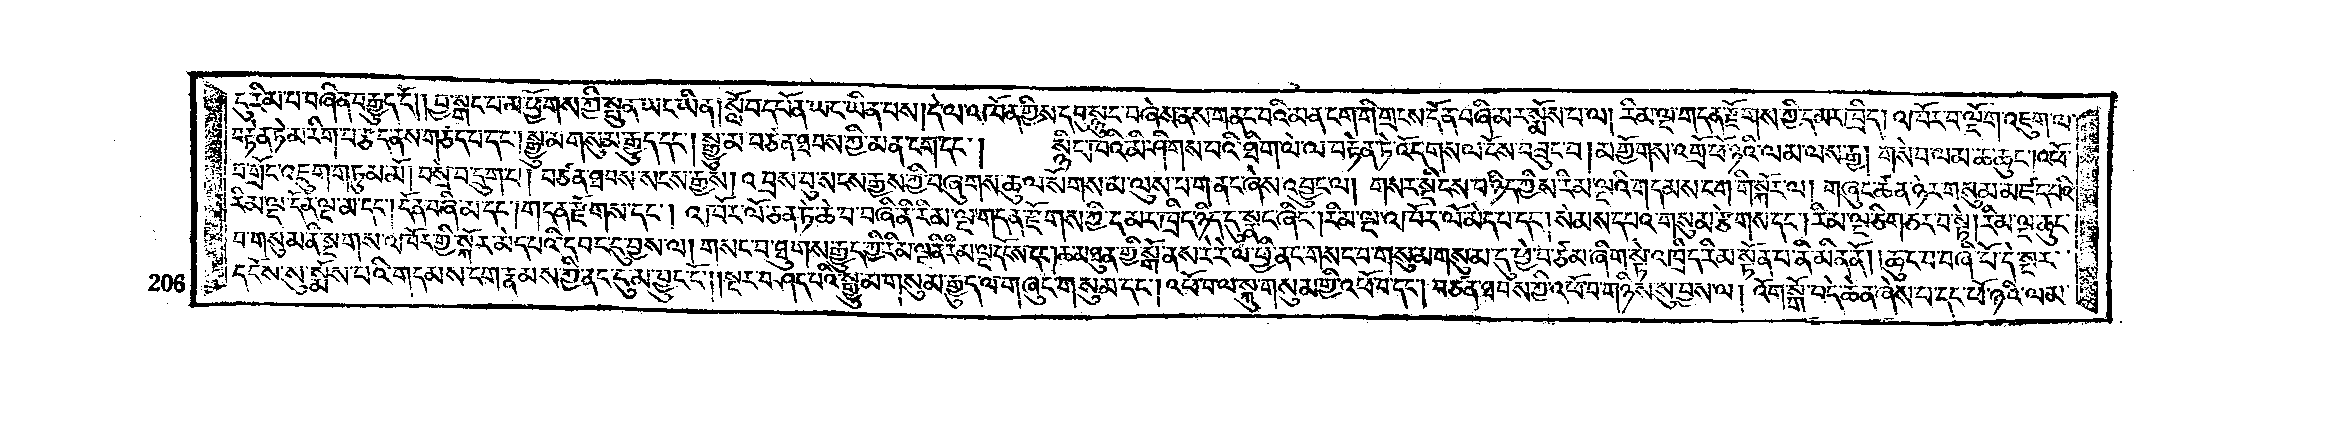དུ་རིམ་པ་བཞིན་བརྒྱུད་དོ། །བྱ་སྒང་པ་མ་ཕྱོགས་ཀྱི་སྤུན་ཡང་ཡིན། སློབ་དཔོན་ཡང་ཡིན་པས། དེ་ལ་འཁོན་གྱིས་དབུ་སྙུང་བཞེས་ནས་གནང་བའི་མན་ངག་གི་གྲངས་དོན་བཞི་མར་སྨོས་པ་ལ། རིམ་ལྔ་གདན་རྫོགས་ཀྱི་དམར་ཁྲིད། འཁོར་བ་ལྡོག་འཇུག་ལ་
བརྟེན་ཏེ་མ་རིག་པ་རྩད་ནས་གཅོད་པ་དང་། སྒྱུ་མ་གསུམ་རྒྱུད་དང་། སྒྱུ་མ་བཙན་ཐབས་ཀྱི་མན་ངག་དང་། སྙིང་ཁའི་མི་ཤིགས་པའི་ཐིག་ལེ་ལ་བརྟེན་ཏེ་འོད་གསལ་ངོས་བཟུང་བ། མགྱོགས་འགྲོ་ཕོ་ཉའི་ལམ་ལས་རྒྱ། གསེབ་ལམ་ཆེ་ཆུང་། འཕོ་
བ་གྲོང་འཇུག་གཏུམ་མོ། བསྲེ་བ་དྲུག་པ། བཙན་ཐབས་སངས་རྒྱས། འབྲས་བུ་སངས་རྒྱས་ཀྱི་བཞུགས་ཆུལ་སོགས་མ་ལུས་པ་གནང་ཞེས་འབྱུང་ལ། གསེར་སྡིངས་པ་ཉིད་ཀྱིས་རིམ་ལྔའི་གདམས་ངག་གི་སྐོར་ལ། གཞུང་ཚན་ཉེར་གསུམ་མཛད་པའི་
རིམ་ལྔ་དོན་ལྔ་མ་དང་། དོན་བཞི་མ་དང་། གདན་རྫོགས་དང་། འཁོར་ལོ་ཅན་ཏེ་ཆེ་བ་བཞི་ནི་རིམ་ལྔ་གདན་རྫོགས་ཀྱི་དམར་ཁྲིད་ཉིད་དུ་སྣང་ཞིང་། རིམ་ལྔ་འཁོར་ལོ་མེད་པ་དང་། སེམས་དཔའ་གསུམ་རྩེགས་དང་། རིམ་ལྔ་ཅིག་ཅར་བ་སྟེ། རིམ་ལྔ་ཆུང་
བ་གསུམ་ནི་སྔགས་འཁོར་གྱི་སྐོར་མེད་པའི་དབང་དུ་བྱས་ལ། གསང་བ་ཐུགས་རྒྱུད་ཀྱི་རིམ་ལྔ་ནི་རིམ་ལྔ་དངོས་དང་། ཆ་མཐུན་གྱི་སྒོ་ནས་རེ་རེ་ལ་ཕྱི་ནང་གསང་བ་གསུམ་གསུམ་དུ་ཕྱེ་བ་ཙམ་ཞིག་སྟེ་འཁྲིད་རིམ་སྟོན་པ་ནི་མིན་ནོ། །ཆུང་བ་བཞི་པོ་དེ་སྔར་
དངོས་སུ་སྨོས་པའི་གདམས་ངག་རྣམས་ཀྱི་ནང་དུ་མ་བྱུང་ངོ། །སྔར་བཤད་པའི་སྒྱུ་མ་གསུམ་རྒྱུད་ལ་གཞུང་གསུམ་དང་། འཕོ་བ་ལ་སྐུ་གསུམ་གྱི་འཕོ་བ་དང་། བཙན་ཐབས་ཀྱི་འཕོ་བ་གཉིས་སུ་བྱས་ལ། འོག་སྒོ་བདེ་ཆེན་ཞེས་པ་དང་ཕོ་ཉའི་ལམ་